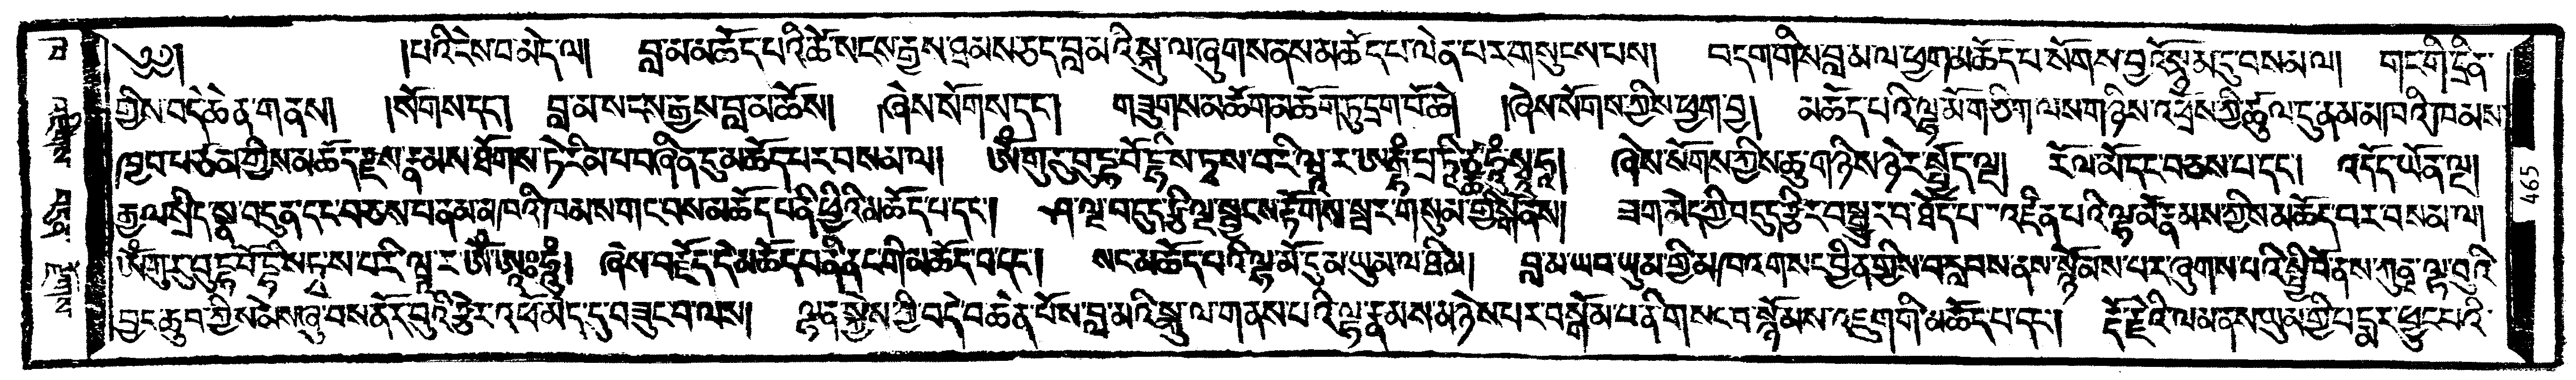༄༅། །པའི་ངེས་བ་མེད་ལ། བླ་མ་མཆོད་པའི་ཚེ་སངས་རྒྱས་ཐམས་ཅད་བླ་མའི་སྐུ་ལ་ཞུགས་ནས་མཆོད་པ་ལེན་པར་གསུངས་པས། བདག་གིས་བླ་མ་ལ་ཕྱག་མཆོད་པ་སོགས་བྱའོ་སྙམ་དུ་བསམ་ལ། གང་གི་དྲིན་
གྱིས་བདེ་ཆེན་གནས། །སོགས་དང་། བླ་མ་སངས་རྒྱས་བླ་མ་ཆོས། །ཞེས་སོགས་དང་། གཟུགས་མཆོག་མཆོག་ཏུ་དྲག་པོ་ཆེ། །ཞེས་སོགས་ཀྱིས་ཕྱག་བྱ། མཆོད་པའི་ལྷ་མོ་གཅིག་ལས་གཉིས་འཕྲོས་ཀྱི་ཚུལ་དུ་ནམ་མཁའི་ཁམས་
ཁྱབ་པ་ཙམ་གྱིས་མཆོད་རྫས་རྣམས་ཐོགས་ཏེ་རིམ་པ་བཞིན་དུ་མཆོད་པར་བསམ་ལ། ཨོཾ་གུ་རུ་བུ་དྷ་བོ་དྷི་སཏྭ་ས་པ་རི་ཝཱ་ར་ཨརྒྷཾ་པྲ་ཏཱིཙྪ་ཧཱུཾ་སྭཱཧཱ། ཞེས་སོགས་ཀྱིས་ཆུ་གཉིས་ཉེར་སྤྱོད་ལྔ། རོལ་མོ་དང་བཅས་པ་དང་། འདོད་ཡོན་ལྔ།
རྒྱལ་སྲིད་སྣ་བདུན་དང་བཅས་པ་ནམ་མཁའི་ཁམས་གང་བས་མཆོད་པ་ནི་ཕྱིའི་མཆོད་པ་དང་། ཤ་ལྔ་བདུད་རྩི་ལྔ་སྦྱངས་རྟོགས་སྦར་གསུམ་གྱི་སྒོ་ནས། ཟག་མེད་ཀྱི་བདུད་རྩིར་བསྒྱུར་བ་ཐོད་པ་འཛིན་པའི་ལྷ་མོ་རྣམས་ཀྱིས་མཆོད་པར་བསམ་ལ།
ཨོཾ་གུ་རུ་བུ་དྷ་བོ་དྷི་སཏྭ་ས་པ་རི་ཝཱ་ར་ཨོཾ་ཨཱཿཧཱུཾ། ཞེས་བརྗོད་དེ་མཆོད་པ་ནི་ནང་གི་མཆོད་པ་དང་། སང་མཆོད་པའི་ལྷ་མོ་དུ་མ་ཡུམ་ལ་ཐིམ། བླ་མ་ཡབ་ཡུམ་གྱི་མཁའ་གསང་བྱིན་གྱིས་བརླབས་ནས་སྙོམས་པར་ཞུགས་པའི་སྤྱི་བོ་ནས་ཀུནྡ་ལྟ་བུའི་
བྱང་ཆུབ་ཀྱི་སེམས་ཞུ་བས་ནོར་བུའི་རྩེར་འཕོ་མེད་དུ་བཟུང་བ་ལས། ལྷན་སྐྱེས་ཀྱི་བདེ་བ་ཆེན་པོས་བླ་མའི་སྐུ་ལ་གནས་པའི་ལྷ་རྣམས་མཉེས་པར་བསྒོམ་པ་ནི་གསང་བ་སྙོམས་འཇུག་གི་མཆོད་པ་དང་། རྡོ་རྗེའི་ལམ་ནས་ཡུམ་གྱི་པདམར་ཕྱུང་པའི་